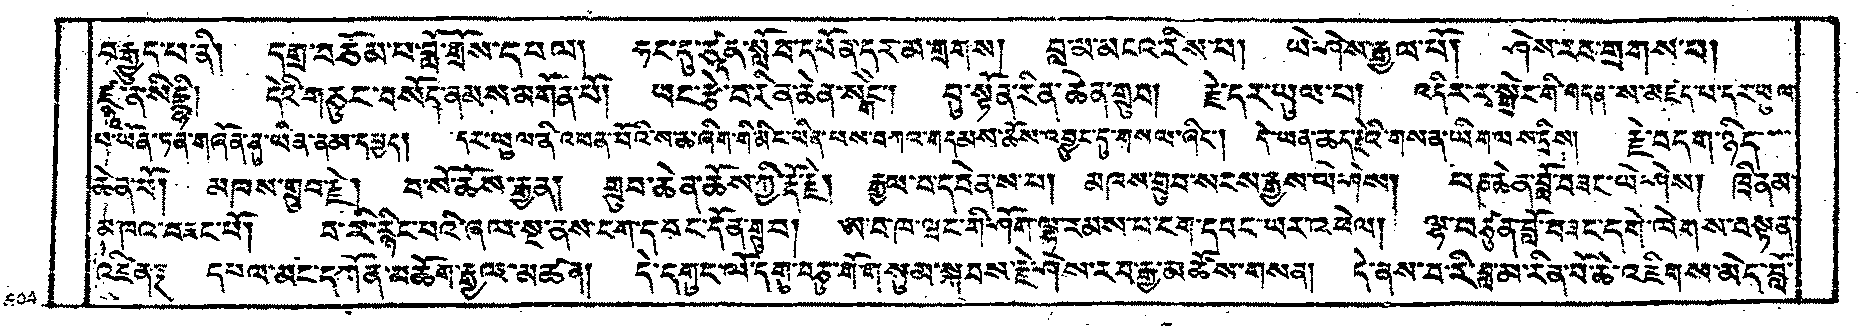བརྒྱུད་པ་ནི། དགྲ་བཅོམ་པ་བློ་གྲོས་དཔལ། ཧང་དུ་ཙནྡན་སློབ་དཔོན་དར་མ་གྲགས། བླ་མ་མངའ་རིས་པ། ཡེ་ཤེས་རྒྱལ་པོ། ཤེས་རབ་གྲགས་པ།
ཛྙཱ་ན་སིདྡྷི་?་དེའི་གཅུང་བསོད་ནམས་མགོན་པོ། ཡང་རྩེ་བ་རིན་ཆེན་སེངྒེ། བུ་སྟོན་རིན་ཆེན་གྲུབ། རྗེ་དར་ཡུལ་པ། འདིར་རྭ་སྒྲེང་གི་གདན་ས་མཛད་པ་དར་ཡུལ་
པ་ཡོན་ཏན་ཡིན་ནམ་དཔྱད། དར་ཡུལ་ནི་འཕན་པོའི་ས་ཆ་ཞིག་གི་མིང་ཡིན་པས་བཀའ་གདམས་ཆོས་འབྱུང་དུ་གསལ་ཞིང་། དེ་ཡན་ཆད་རྗེའི་གསན་ཡིག་ལས་དྲིས། རྗེ་བདག་ཉིད་
ཆེན་པོ། ?་པ་གྲུབ་རྗེ། བ་སོ་ཆོས་རྒྱན། གྲུབ་ཆེན་ཆོས་ཀྱི་རྡོ་རྗེ། རྒྱལ་བ་དབེན་ས་པ། མཁས་གྲུབ་སངས་རྒྱས་ཡེ་ཤེས། པཎ་ཆེན་བློ་བཟང་ཡེ་ཤེས། ཁྲི་ནམ་
མཁའ་བཟང་། བ་རི་རྙིང་པའི་ཞལ་སྔ་ནས་ངག་དབང་དོན་གྲུབ། ཨ་བ་ཁ་ཝང་གི་ཤོག་ལྷ་རམས་པ་ངག་དབང་ཡར་འཕེལ། ལྷ་བཙུན་བློ་བཟང་དགེ་ལེགས་བསྟ་
འཛིན༑ དཔལ་མང་དཀོན་མཆོག་རྒྱལ་མཚན། དེ་དགུང་ལོ་དགུ་བཅུ་གོ་གསུམ་སྐབས་རྗེ་ཤེས་རབ་རྒྱ་མཚོས་གསན། དེ་ནས་བ་རི་བླ་མ་རིན་པོ་ཆེ་འཇིགས་མེད་བློ་